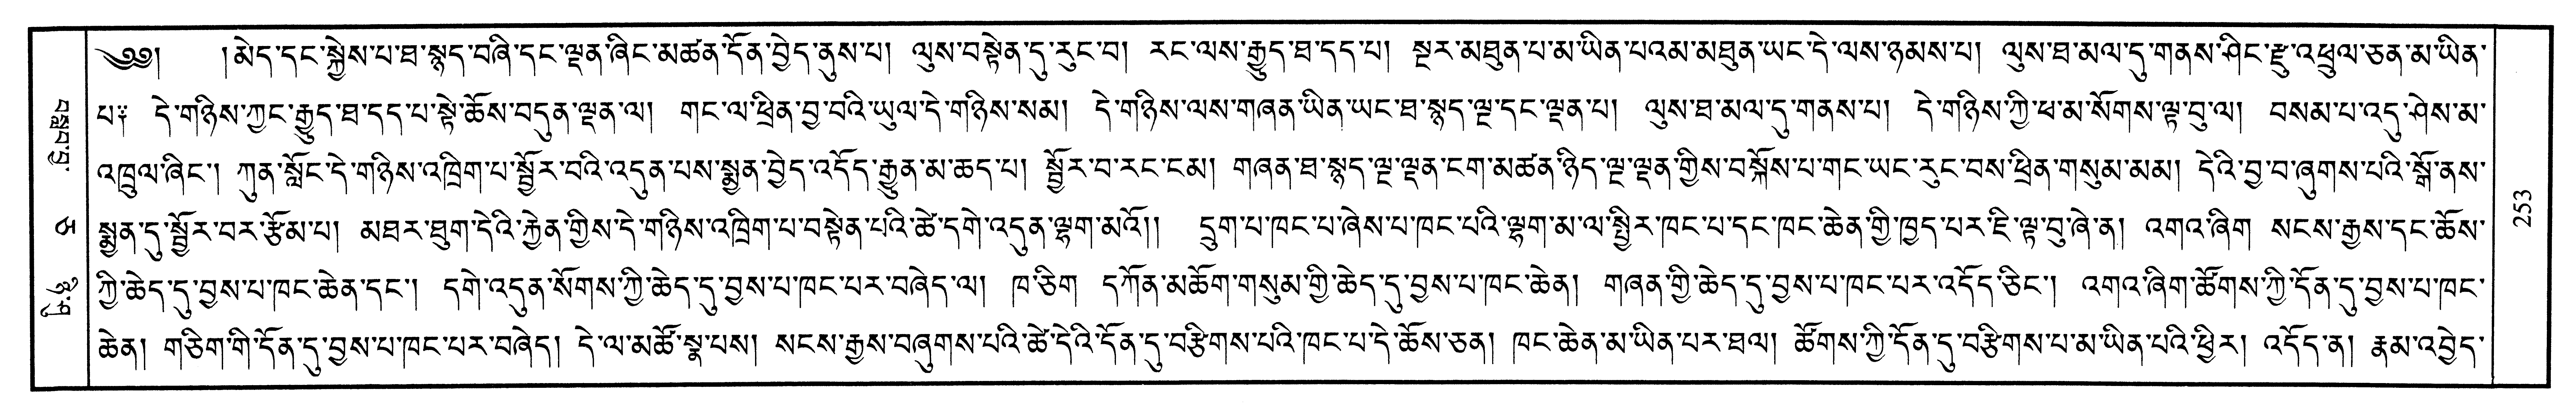༄༅། །མེད་དང་སྐྱེས་པ་ཐ་སྙད་བཞི་དང་ལྡན་ཞིང་མཚན་དོན་བྱེད་ནུས་པ། ལུས་བསྟེན་དུ་རུང་བ། རང་ལས་རྒྱུད་ཐ་དད་པ། སྔར་མཐུན་པ་མ་ཡིན་པའམ་མཐུན་ཡང་དེ་ལས་ཉམས་པ། ལུས་ཐ་མལ་དུ་གནས་ཤིང་རྫུ་འཕྲུལ་ཅན་མ་ཡིན་
པ༑ དེ་གཉིས་ཀྱང་རྒྱུད་ཐ་དད་པ་སྟེ་ཆོས་བདུན་ལྡན་ལ། གང་ལ་ཕྲིན་བྱ་བའི་ཡུལ་དེ་གཉིས་སམ། དེ་གཉིས་ལས་གཞན་ཡིན་ཡང་ཐ་སྙད་ལྔ་དང་ལྡན་པ། ལུས་ཐ་མལ་དུ་གནས་པ། དེ་གཉིས་ཀྱི་ཕ་མ་སོགས་ལྟ་བུ་ལ། བསམ་པ་འདུ་ཤེས་མ་
འཁྲུལ་ཞིང་། ཀུན་སློང་དེ་གཉིས་འཁྲིག་པ་སྦྱོར་བའི་འདུན་པས་སྨྱན་བྱེད་འདོད་རྒྱུན་མ་ཆད་པ། སྦྱོར་བ་རང་ངམ། གཞན་ཐ་སྙད་ལྔ་དང་ལྡན་ངག་མཚན་ཉིད་ལྔ་ལྡན་གྱིས་བསྐོས་པ་གང་ཡང་རུང་བས་ཕྲིན་གསུམ་མམ། དེའི་བྱ་བ་ཞུགས་པའི་སྒོ་ནས་
སྨྱན་དུ་སྦྱོར་བར་རྩོམ་པ། མཐར་ཐུག་དེའི་རྐྱེན་གྱིས་དེ་གཉིས་འཁྲིག་པ་བསྟེན་པའི་ཚེ་དགེ་འདུན་ལྷག་མའོ།། དྲུག་པ་ཁང་པ་ཞེས་པ་ཁང་པའི་ལྷག་མ་ལ་སྤྱིར་ཁང་པ་དང་ཁང་ཆེན་གྱི་ཁྱད་པར་ཇི་ལྟ་བུ་ཞེ་ན། འགའ་ཞིག་སངས་རྒྱས་དང་ཆོས་
ཀྱི་ཆེད་དུ་བྱས་པ་ཁང་ཆེན་དང་། དགེ་འདུན་སོགས་ཀྱི་ཆེད་དུ་བྱས་པ་ཁང་པར་བཞེད་ལ། ཁ་ཅིག་དཀོན་མཆོག་གསུམ་གྱི་ཆེད་དུ་བྱས་པ་ཁང་ཆེན། གཞན་གྱི་ཆེད་དུ་བྱས་པ་ཁང་པར་འདོད་ཅིང་། འགའ་ཞིག་ཚོགས་ཀྱི་དོན་དུ་བྱས་པ་ཁང་
ཆེན། གཅིག་གི་དོན་དུ་བྱས་པ་ཁང་པར་བཞེད། དེ་ལ་མཚོ་སྣ་པས། སངས་རྒྱས་བཞུགས་པའི་ཚེ་དེའི་དོན་དུ་བརྩིགས་པའི་ཁང་པ་དེ་ཆོས་ཅན། ཁང་ཆེན་མ་ཡིན་པར་ཐལ། ཚོགས་ཀྱི་དོན་དུ་བརྩིགས་པ་མ་ཡིན་པའི་ཕྱིར། འདོད་ན། རྣམ་འབྱེད་